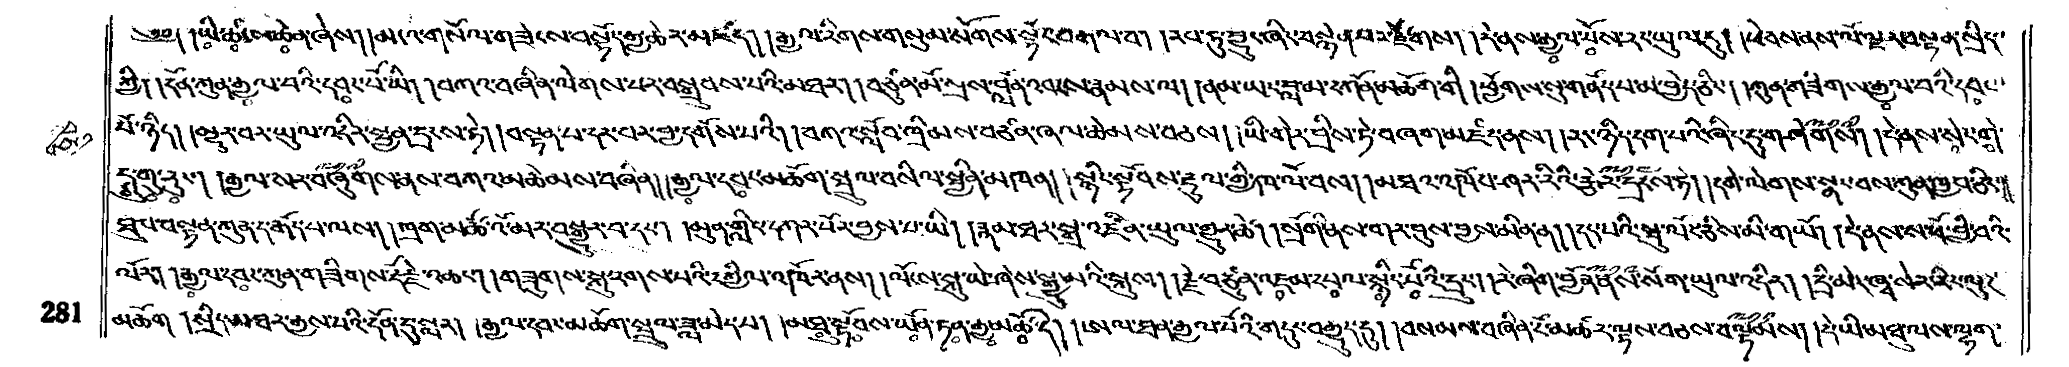༄༅། །ཡི་ཚངས་ཆེན་ཞེས། །མངའ་གསོལ་གཟེངས་བསྟོད་རྒྱ་ཆེར་མཛད། །རྒྱལ་རིགས་གསུམ་སོགས་སྟོང་བརྒལ་བ། །རབ་ཏུ་བྱུང་ཞིང་བསྙེན་བར་རྫོགས། །དེ་ནས་རྒྱལ་པོས་རང་ཡུལ་དུ། །ཕེབས་ནས་ལོ་ལྔར་བསྟན་སྲིད་
ཀྱི། །དོན་ཀུན་རྒྱལ་བའི་དབང་པོ་ཡི། །བཀའ་བཞིན་ལེགས་པར་བསྒྲུབས་པའི་མཐར། །བཙུན་མོ་སྲས་བློན་འབངས་རྣམས་ལ། །ནམ་ཡང་བླ་མ་དཀོན་མཆོག་གི །ཕྱོགས་སུ་གནོད་པ་མ་བྱེད་ཅིང་། །ཀུན་གཟིགས་རྒྱལ་བའི་དབང་
པོ་ཉིད། །མྱུར་བར་ཡུལ་འདིར་སྤྱན་དྲངས་ཏེ། །བསྟན་པ་དང་བར་བྱ་དགོས་པའི། །བཀའ་སློབ་ཁྲིམས་བཙན་ཞལ་ཆེམས་བཅས། །ཡི་གེར་བྲིས་ཏེ་བཞག་མཛད་ནས། །རང་ཉིད་དག་པའི་ཞིང་དུ་གཤེགས། །དེ་ནས་སེང་གེ་
དཱུ?་གུ་རུ། །རྒྱལ་སར་བཞུགས་ནས་བཀའ་མཆེམས་བཞིན། །རྒྱལ་དབང་མཆོག་སྤྲུལ་བསིལ་སྦྱིན་མཁན། །སྙིང་སྟོབས་རྡུལ་གྱི་ཁ་ལོ་བས། །མཐའ་འཁོབ་ཤར་རིའི་རྩེར་དྲངས་ཏེ། །དགེ་ལེགས་སྣང་བས་ཀུན་ཁྱབ་ཅིང།།
ཐུབ་བསྟན་ཀུན་ད་རྒོད་པ་ལས། །ཁྲག་མཚོ་འོ་མར་བསྒྱུར་བ་དང་། །མུན་གླིང་དཀར་པོར་བྱས་པ་ཡི། །རྣམ་ཐར་སྒྲ་འཛིན་ཡུལ་གྱུར་ཚེ། །སྲོག་གི་ནས་གར་བུས་བྱས་མིན་ན། །དད་པའི་སྦུ་ལོང་ཅིས་མི་གཡོ། །དེ་ནས་ས་ཕོ་བྱི་བའི་
ལོར། །རྒྱལ་དབང་ཀུན་གཟིགས་རྡོ་རྗེ་འཆང་། །གཟུགས་སྐུ་རགས་པའི་དཀྱིལ་འཁོར་ནས། །ལོངས་སྐུ་ཡེ་ཤེས་སྒྱུ་མའི་སྐུས། །རྗེ་བཙུན་འཇམ་དཔལ་སྙིང་པོའི་དྲུང་། །རེ་ཞིག་བྱོན་ནས་སོག་ཡུལ་འདིར། །དྲི་མེད་ཞྭ་སེར་རིང་ལུང་
མཆོག །སྲིད་མཐར་རྒྱས་པའི་དོན་དུ་སླར། །རྒྱལ་དབང་མཆོག་སྤྲུལ་ཟླ་མེད་པ། །མཐུ་སྟོབས་ཡོན་ཏན་རྒྱ་མཚོ་དེ། །ཨལ་ཐན་རྒྱལ་པོའི་གདུང་བརྒྱུད་དུ། །བསམས་བཞིན་ངོ་མཚར་ལྟས་བཅས་བལྟམས། །དེ་ཡི་མཐུ་ལས་ལྷག་